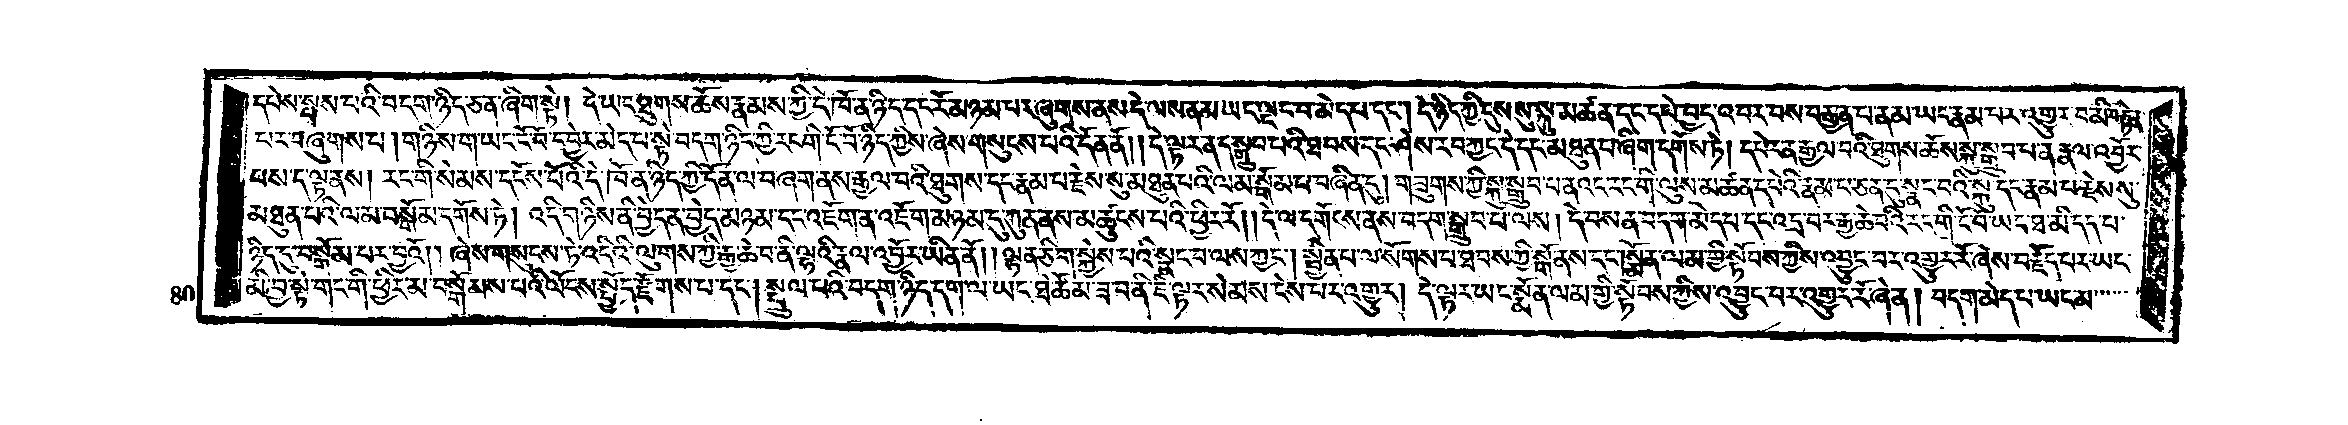དཔེས་སྤྲས་པའི་བདག་ཉིད་ཅན་ཞིག་སྟེ། དེ་ཡང་ཐུགས་ཆོས་རྣམས་ཀྱི་དེ་ཁོ་ན་ཉིད་དང་རོ་མཉམ་པར་ཞུགས་ནས་དེ་ལས་ནམ་ཡང་ལྡང་བ་མེད་པ་དང་། དེ་ཉིད་ཀྱི་དུས་སུ་སྐུ་མཚན་དང་དཔེ་བྱད་འབར་བས་བརྒྱན་པ་ནམ་ཡང་རྣམ་པར་འགྱུར་བ་མི་བརྟེན་
པར་བཞུགས་པ། གཉིས་ག་ཡང་ངོ་བོ་དབྱེར་མེད་པ་སྟེ་བདག་ཉིད་ཀྱི་རང་གི་ངོ་བོ་ཉིད་ཀྱིས་ཞེས་གསུངས་པའི་དོན་ནོ། །དེ་ལྟར་ན་དེ་སྒྲུབ་པའི་ཐབས་དང་ཤེས་རབ་ཀྱང་དེ་དང་མཐུན་པ་ཞིག་དགོས་ཏེ། དཔེར་ན་རྒྱལ་བའི་ཐུགས་ཆོས་སྐུ་སྒྲུབ་པ་ནི་རྣལ་འབྱོར་
པས་ད་ལྟ་ནས། རང་གི་སེམས་དངོས་པོའི་དེ་ཁོ་ན་ཉིད་ཀྱི་དོན་ལ་བཞག་ནས་རྒྱལ་བའི་ཐུགས་དང་རྣམ་པ་རྗེས་སུ་མཐུན་པའི་ལམ་སྒོམ་པ་བཞིན་དུ། གཟུགས་ཀྱི་སྐུ་སྒྲུབ་པ་ནའང་རང་གི་ལུས་མཚན་དཔེའི་རྣམ་པ་ཅན་དུ་སྣང་བའི་སྐུ་དང་རྣམ་པ་རྗེས་སུ་
མཐུན་པའི་ལམ་བསྒོམ་དགོས་ཏེ། འདི་གཉིས་ནི་བྱེད་ན་བྱེད་མཉམ་དང་འཇོག་ན་འཇོག་མཉམ་དུ་ཀུན་ནས་མཚུངས་པའི་ཕྱིར་རོ། །དེ་ལ་དགོངས་ནས་བདག་སྒྲུབ་པ་ལས། དེ་བས་ན་བདག་མེད་པ་དང་འདྲ་བར་རྒྱ་ཆེ་བའི་རང་གི་ངོ་བོ་ཡང་ཐ་མི་དད་པ་
ཉིད་དུ་བསྒོམ་པར་བྱའོ། །ཞེས་གསུངས་ཏེ་འདིའི་ལུགས་ཀྱི་རྒྱ་ཆེ་བ་ནི་ལྷའི་རྣལ་འབྱོར་ཡིན་ནོ། །ལྷན་ཅིག་སྐྱེས་པའི་སྣང་བ་ལས་ཀྱང་། སྦྱིན་པ་ལ་སོགས་པ་ཐབས་ཀྱི་སྒོ་ནས་དང་། སྨོན་ལམ་གྱི་སྟོབས་ཀྱིས་འབྱུང་བར་འགྱུར་རོ་ཞེས་བརྗོད་པར་ཡང་
མི་བྱ་སྟེ་གང་གི་ཕྱིར་མ་བསྒོམས་པའི་ལོངས་སྤྱོད་རྫོགས་པ་དང་། སྤྲུལ་པའི་བདག་ཉིད་དག་ལ་ཡང་ཐེ་ཚོམ་ཟ་བ་ནི་ཇི་ལྟར་སེམས་ངེས་པར་འགྱུར། དེ་ལྟར་ཡང་སྨོན་ལམ་གྱི་སྟོབས་ཀྱིས་འབྱུང་བར་འགྱུར་རོ་ཞེ་ན། བདག་མེད་པ་ཡང་མ་